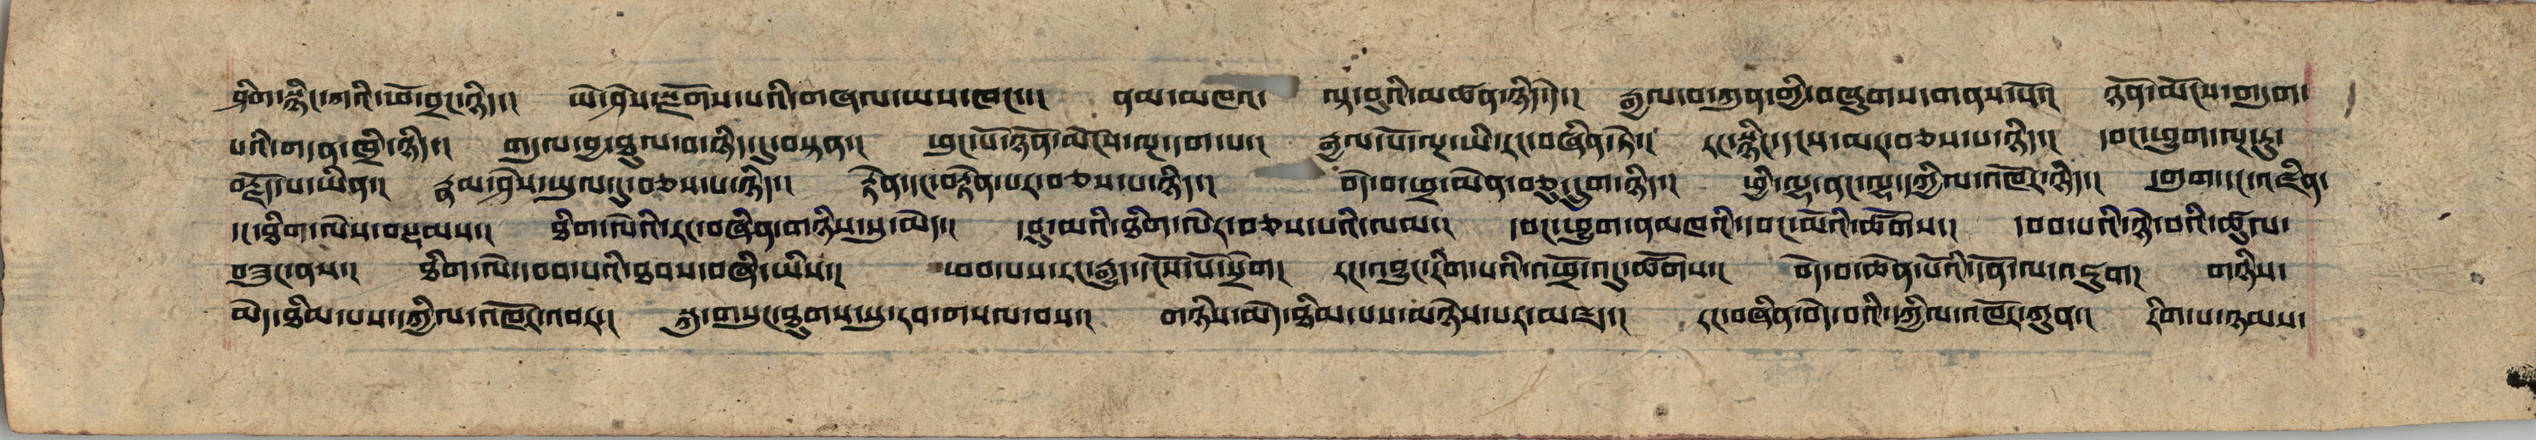ཤིག་སྙིང་ཀའི་ཕོ་བྲང་ཉིད་། ཡེ་ཤེས་སྫོགས་པའི་གཞལ་ཡས་ཁང་་། ནམ་མཁའ་ ལྟ་བུའི་མཚན་ཉིད་དེ་། རྒྱལ་བ་ཀུན་གྱི་བཞུགས་གནས་སོ་། ཉོན་མོངས་གདུག་
པའི་གདན་ཁྲི་ཉིད་། གདུལ་བྱ་ཐུལ་བ་ཉིད་དུ་བསྟན་། ཕུང་པོ་ཉོན་མོངས་ལྔ་དག་པ་། རྒྱལ་པོ་ལྔ་ཡི་རང་བཞིན་ཏེ་། རང་སྙིང་དངས་མར་བཅས་པ་ཉིད་། དབང་ཕྱུག་ལྔ་རུ་
བརྗོད་པ་ཡིན་། རྣམ་ཤེས་ཡུལ་དུ་བཅས་པ་ཉིད་། རྟེན་དང་བརྟེན་པར་བཅས་པ་ཉིད་། བདེ་བ་ཕྲ་མེན་བཅུ་དྲུག་ཉིད་། ཕྱི་ལྷ་ནང་ལྷ་དཀྱིལ་འཁོར་ཉིད་། དགུག་དང་འཛིན་
དང་ཐིག་ལེས་བསྡམས་། ཐིག་ལེའི་རང་བཞིན་གཉིས་སུ་མེད་། དབུ་མའི་ཐིག་ལེར་བཅས་པའི་ལམ་། དབང་ཕྱུག་ནམཁའི་དབང་མོའི་ཚོགས་། དབབ་པའི་ཉེ་བའི་ཚུལ་
བཟུང་ནས་། ཐིག་ལེ་དབབ་པའི་ཐབས་བཞི་ཡིས་། ཕབ་པས་རང་རྒྱུད་དངོས་པོ་སྲེག། རང་འབྱུང་རིག་པའི་འཕྲོ་འདུ་ཚོགས་། བདེ་བ་ཆེན་པོའི་དོན་ལ་འཇུག། གཉིས་
མེད་ཐིམ་པས་དཀྱིལ་འཁོར་འབར་། སྐུ་གསུང་ཐུགས་སུ་རབ་གསལ་བས་། གཉིས་མེད་ཐིམ་པས་མཉེས་པར་མཛད་། རང་བཞིན་མེད་པའི་དཀྱིལ་འཁོར་ཀུན་། རིག་པ་ཉམས་